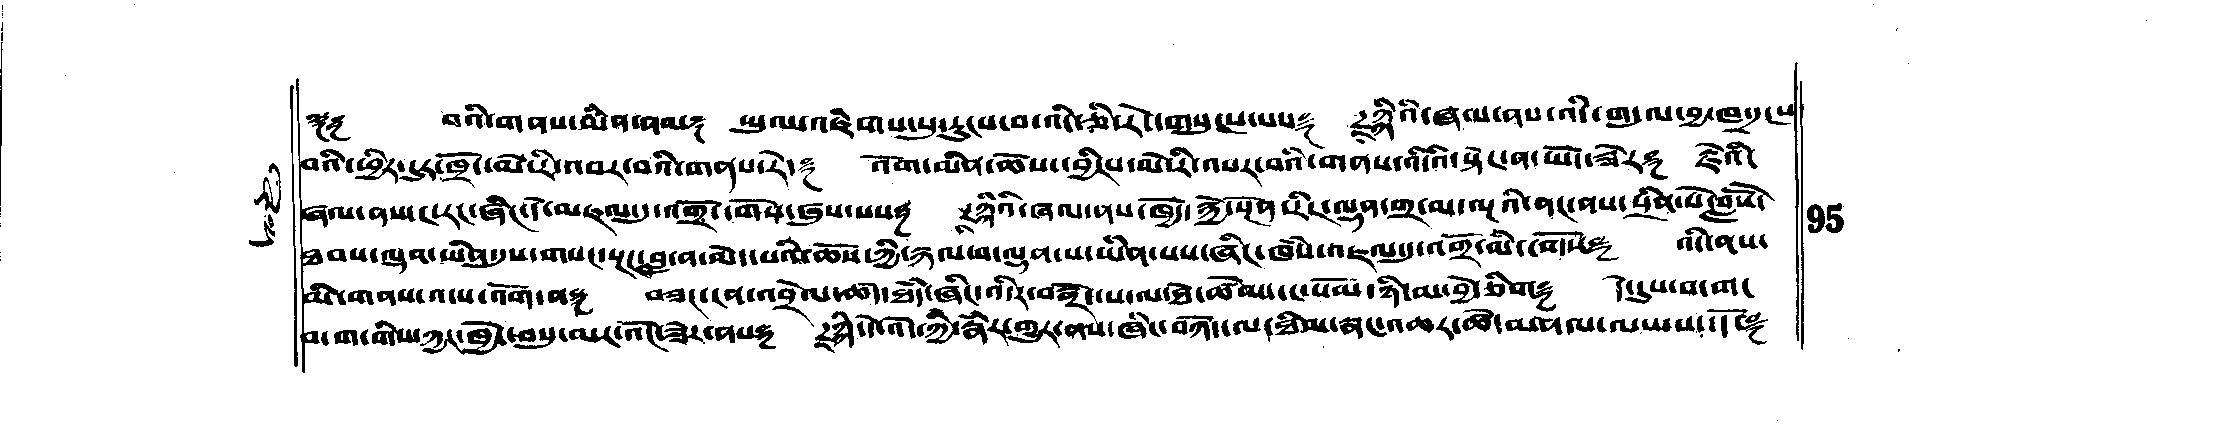བའི་གནས་མིན་ནམ། ཡུལ་འཇིགས་སུ་རུང་བ་འདི་ཅི་རེད་གསུངས་པས། ཌཱཀྐིའི་ཞལ་ནས་འདི་གདུལ་བྱ་ཁ་དྲངས་
བའི་ཕྱིར་དུར་ཁྲོད་མེ་རི་འབར་བའི་གནས་རེད། འོག་མིན་ཆོས་དབྱིངས་མེ་རི་འབར་བའི་གནས་འདིའི་སྟེང་ན་ཡོད་ཟེར། རྗེའི་
ཞལ་ནས་ང་རང་ཞིང་དེ་མཇལ་དུ་འགྲོ་དགོས་ཞུས་པས། ཌཱཀྐིའི་ཞལ་ནས་ཁྱོད་སྐྱེ་སྔོན་རིགས་ལྡན་གྲ་མ་ལྔའི་ནང་ནས་སྲིན་པོ་བློ་གྲོས་
ཐབས་ལྡན་ཡིན་དུས་གསང་སྔགས་བླ་ན་མེད་པའི་ཆོས་ཀྱི་སྐལ་བ་ལྡན་པ་ཡིན་པས་ཞིང་ཁམས་མཇལ་དུ་འགྲོ་མི་དགོས། འདི་ནས་
མི་གནས་འདས་འོག་ན། བཟང་ངན་འབྲེལ་ཚད་ཐམས་ཅད་ཞིང་འདིར་བགྲོད་པ་ལ་ཐེ་ཚོམ་དང་སོམ་ཉི་མ་བྱེད་ཅིགདེ་དུས་བདག་
གིས་ཀྱང་ཁྱོད་བསུ་མར་འོང་ཟེར་ནས། ཌཱཀྐི་དེ་འོད་ཀྱི་རྣམ་པར་གྱུར་ནས་ཞིང་བཀོད་ལ་ཐིམ་སྣང་འཆར་ཚེ་མནལ་ལས་སད་དོ་